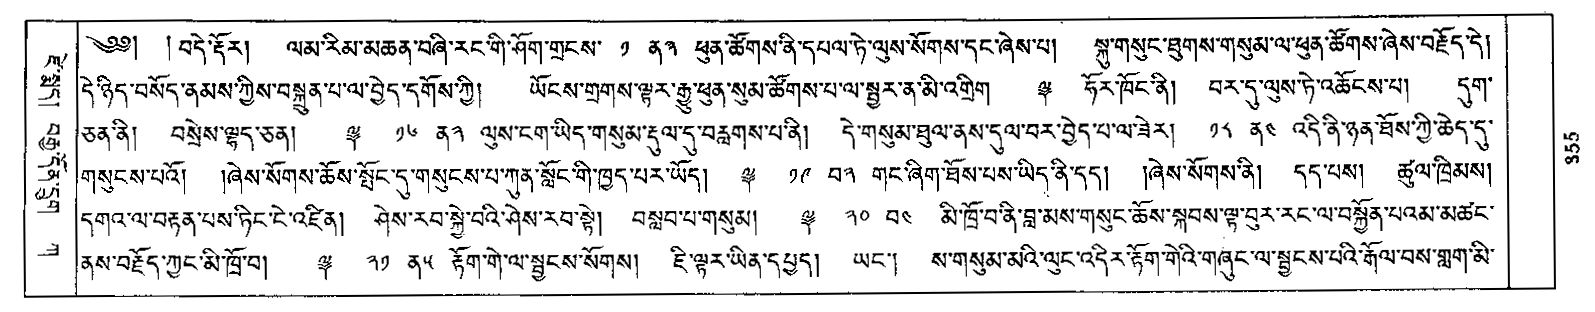༄༅། །བདེ་རྡོར། ལམ་རིམ་མཆན་བཞི་རང་གི་ཤོག་གྲངས ༡་ན ༣་ཕུན་ཚོགས་ནི་དཔལ་ཏེ་ལུས་སོགས་དང་ཞེས་པ། སྐུ་གསུང་ཐུགས་གསུམ་ལ་ཕུན་ཚོགས་ཞེས་བརྗོད་དེ།
དེ་ཉིད་བསོད་ནམས་ཀྱིས་བསྐྲུན་པ་ལ་བྱེད་དགོས་ཀྱི། ཡོངས་གྲགས་ལྟར་རྒྱུ་ཕུན་སུམ་ཚོགས་པ་ལ་སྦྱར་ན་མི་འགྲིག ༈ ཧོར་ཁོང་ནི། བར་དུ་ལུས་ཏེ་འཆོངས་པ། དུག་
ཅན་ནི། བསྲེས་ལྷད་ཅན། ༈ ༡༦་ན ༢་ལུས་ངག་ཡིད་གསུམ་རྡུལ་དུ་བརླགས་པ་ནི། དེ་གསུམ་ཐུལ་ནས་དུལ་བར་བྱེད་པ་ལ་ཟེར། ༡༨་ན ༤་འདི་ནི་ཉན་ཐོས་ཀྱི་ཆེད་དུ་
གསུངས་པའོ། །ཞེས་སོགས་ཆོས་སྤོང་དུ་གསུངས་པ་ཀུན་སློང་གི་ཁྱད་པར་ཡོད། ༈ ༡༩་བ ༢་གང་ཞིག་ཐོས་པས་ཡིད་ནི་དད། །ཞེས་སོགས་ནི། དད་པས། ཚུལ་ཁྲིམས།
དགའ་ལ་བརྟན་པས་ཏིང་ངེ་འཛིན། ཤེས་རབ་སྐྱེ་བའི་ཤེས་རབ་སྟེ། བསླབ་པ་གསུམ། ༈ ༢༠་བ ༤་མི་ཁྲོ་བ་ནི་བླ་མས་གསུང་ཆོས་སྐབས་ལྟ་བུར་རང་ལ་བསྐྱོན་པའམ་མཚང་
ནས་བརྗོད་ཀྱང་མི་ཁྲོ་བ། ༈ ༢༡་ན ༥་རྟོག་གེ་ལ་སྦྱངས་སོགས། ཇི་ལྟར་ཡིན་དཔྱད། ཡང་། ས་གསུམ་མའི་ལུང་འདིར་རྟོག་གེའི་གཞུང་ལ་སྦྱངས་པའི་རྒོལ་བས་གླག་མི་